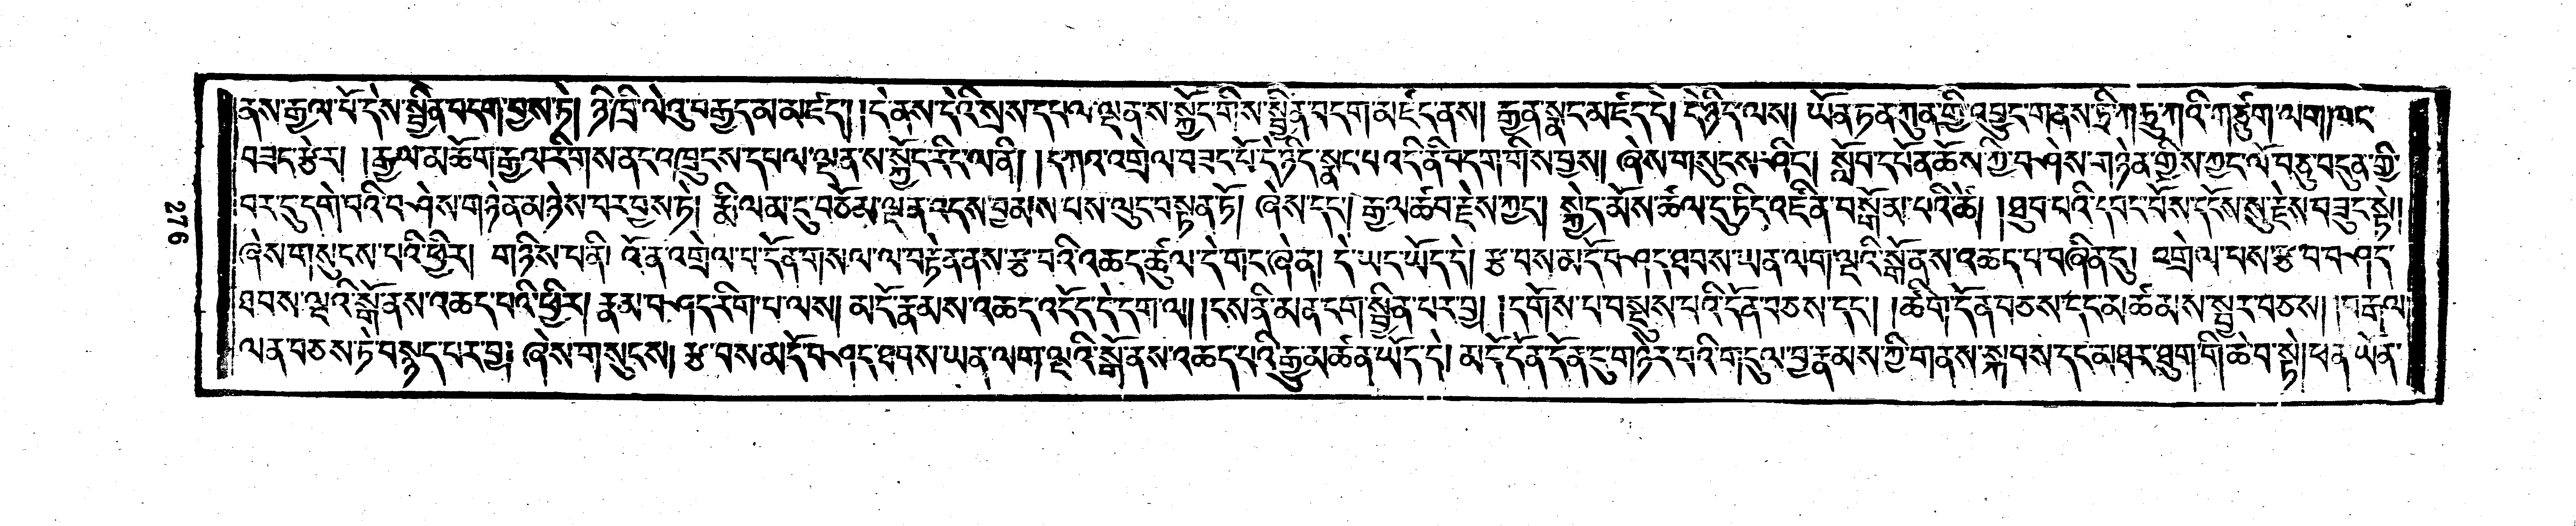ནས་རྒྱལ་པོ་དེས་སྦྱིན་བདག་བྱས་ཏེ། ཉི་ཁྲི་ལེའུ་བརྒྱད་མ་མཛད། །དེ་ནས་དེའི་སྲས་དཔལ་ལྡན་ས་སྐྱོང་གིས་སྦྱིན་བདག་མཛད་ནས། རྒྱན་སྣང་མཛད་དེ། དེ་ཉིད་ལས། ཡོན་ཏན་ཀུན་གྱི་འབྱུང་གནས་ཏྲི་ཀ་ཏྲུ་ཀའི་གཙུག་ལག་ཁང་
བཟང་རྩེར། །རྒྱལ་མཆོག་རྒྱལ་རིགས་ནང་འཁྲུངས་དཔལ་ལྡན་ས་སྐྱོང་རིང་ལ་ནི། །དཀའ་འགྲེལ་བཟང་པོ་དེ་ཉིད་སྣང་བ་འདི་ནི་བདག་གིས་བྱས། ཞེས་གསུངས་ཤིང་། སློབ་དཔོན་ཆོས་ཀྱི་བཤེས་གཉེན་གྱིས་ཀྱང་ལོ་བཅུ་བདུན་གྱི་
བར་དུ་དགེ་བའི་བཤེས་གཉེན་མཉེས་པར་བྱས་ཏེ། རྨི་ལམ་དུ་བཅོམ་ལྡན་འདས་བྱམས་པས་ལུང་བསྟན་ཏོ། ཞེས་དང་། རྒྱལ་ཚབ་རྗེས་ཀྱང་། སྐྱེད་མོས་ཚལ་དུ་ཏིང་འཛིན་བསྒོམ་པའི་ཚེ། །ཐུབ་པའི་དབང་པོས་དངོས་སུ་རྗེས་བཟུང་སྟེ།
ཞེས་གསུངས་པའི་ཕྱིར། གཉིས་པ་ནི། འོ་ན་འགྲེལ་པ་དོན་གསལ་ལ་བརྟེན་ནས་རྩ་བའི་འཆད་ཚུལ་དེ་གང་ཞེ་ན། དེ་ཡང་ཡོད་དེ། རྩ་བས་མདོ་བཤད་ཐབས་ཡན་ལག་ལྔའི་སྒོ་ནས་འཆད་པ་བཞིན་དུ། འགྲེལ་པས་རྩ་བ་བཤད་
ཐབས་ལྔའི་སྒོ་ནས་འཆད་པའི་ཕྱིར། རྣམ་བཤད་རིག་པ་ལས། མདོ་རྣམས་འཆད་འདོད་དེ་དག་ལ། །ངས་ནི་མན་ངག་སྦྱིན་པར་བྱ། །དགོས་པ་བསྡུས་པའི་དོན་བཅས་དང་། །ཚིག་དོན་བཅས་དང་མཚམས་སྦྱར་བཅས། །བརྒལ་
ལན་བཅས་ཏེ་བསྙད་པར་བྱ། ཞེས་གསུངས། རྩ་བས་མདོ་བཤད་ཐབས་ཡན་ལག་ལྔའི་སྒོ་ནས་འཆད་པའི་རྒྱུ་མཚན་ཡོད་དེ། མདོ་དོན་དོན་དུ་གཉེར་བའི་གདུལ་བྱ་རྣམས་ཀྱི་གནས་སྐབས་དང་མཐར་ཐུག་གི་ཆེ་བ་སྟེ། ཕན་ཡོན་